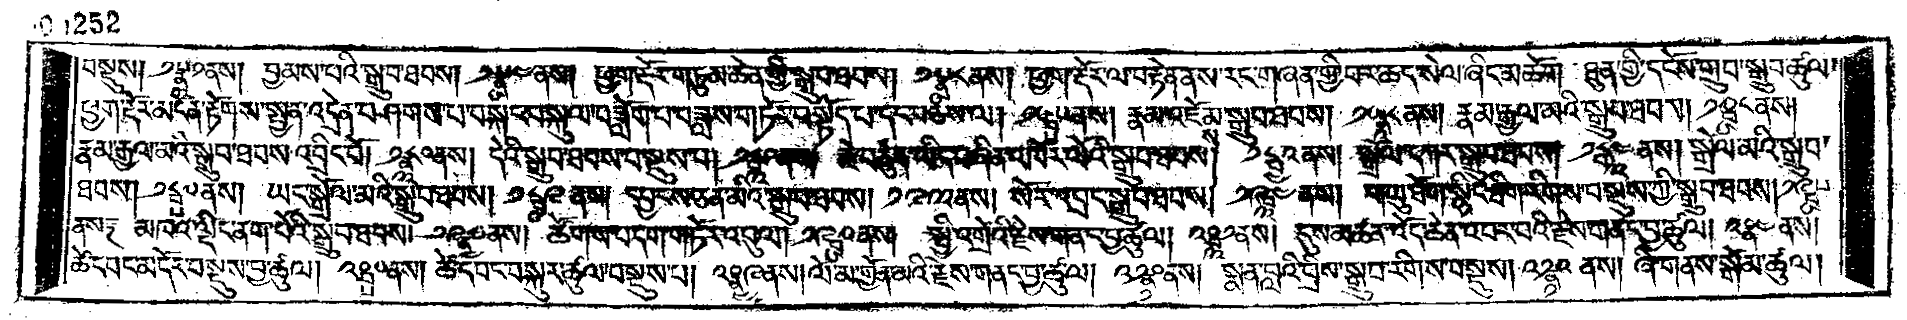བསྡུས། ༡༥༡ན༣་ནས། བྱམས་པའི་སྒྲུབ་ཐབས། ༡༥༤ན༦་ནས། ཕྱག་རྡོར་གཏུམ་ཆེན་གྱི་སྒྲུབ་ཐབས། ༡༥༨ན༦་ནས། ཕྱག་རྡོར་ལ་བརྟེན་ནས་རང་གཞན་གྱི་བར་ཆད་སེལ་ཞིང་མཆོག་ཐུན་གྱི་དངོས་གྲུབ་སྒྲུབ་ཚུལ་
ཕྱག་རྡོར་མངོན་རྟོགས་སྤྱན་འདྲེན་བཤགས་པ་བསྐང་བསྐུལ་བཟློག་པ་བཟླས་གཏོར་བསྟོད་པ་དང་བཅས་ལ། ༡༦༥བ༥་ནས། རྣམ་འཇོམས་སྒྲུབ་ཐབས། ༡༦༨ན༢་ནས། རྣམ་རྒྱལ་མའི་སྒྲུབ་ཐབས། ༡༦༨བ༦་ནས།
རྣམ་རྒྱལ་མའི་སྒྲུབ་ཐབས་འབྲིང་པོ། ༡༨༠ན༣་ནས། དེའི་སྒྲུབ་ཐབས་བསྡུས་པ། ༡༨༠བ༣་ནས། རྗེ་བཙུན་ཡིད་བཞིན་འཁོར་ལོའི་སྒྲུབ་ཐབས། ༡༨༢བ༤་ནས། སྒྲོལ་དཀར་སྒྲུབ་ཐབས། ༡༨༤བ༣་ནས། སྒྲོལ་མའི་སྒྲུབ་
ཐབས། ༡༨༦བ༥་ནས། ཡང་སྒྲོལ་མའི་སྒྲུབ་ཐབས། ༡༨༩བ༦་ནས། དབྱངས་ཅན་མའི་སྒྲུབ་ཐབས། ༡༩༣་ནས། སོར་འབྲང་སྒྲུབ་ཐབས། ༡༩༤བ༣་ནས། གཡུ་ཐོག་སྙིང་ཐིག་རིགས་བསྡུས་ཀྱི་སྒྲུབ་ཐབས། ༡༩༥བ༦
ནས༑ མཁའ་ལྡིང་ནག་པོའི་སྒྲུབ་ཐབས། ༡༩༦ན༤་ནས། ཚོགས་བདག་གཏོར་འབུལ། ༡༩༦བ༦་ནས། སྤྱི་འགྲོའི་རྗེས་གནང་བྱ་ཚུལ། ༢༠༡བ༣་ནས། དུས་མཚན་འོད་ཆེན་འབར་བའི་རྗེས་གནང་བྱ་ཚུལ། ༢༠༤ན་ནས།
ཚེ་དབང་མདོར་བསྡུས་བྱ་ཚུལ། ༢༠༦བ༥་ནས། ཚེ་དབང་བསྐུར་ཚུལ་བསྡུས་པ། ༢༠༩ན༤་ནས། ལོ་མ་གྱོན་མའི་རྗེས་གནང་བྱ་ཚུལ། ༢༡༠ན༡་ནས། སྨན་བླའི་བྲིས་སྒྲུབ་རིགས་བསྡུས། ༢༡༢ན༡་ནས། ཞི་གནས་སྒོམ་ཚུལ་